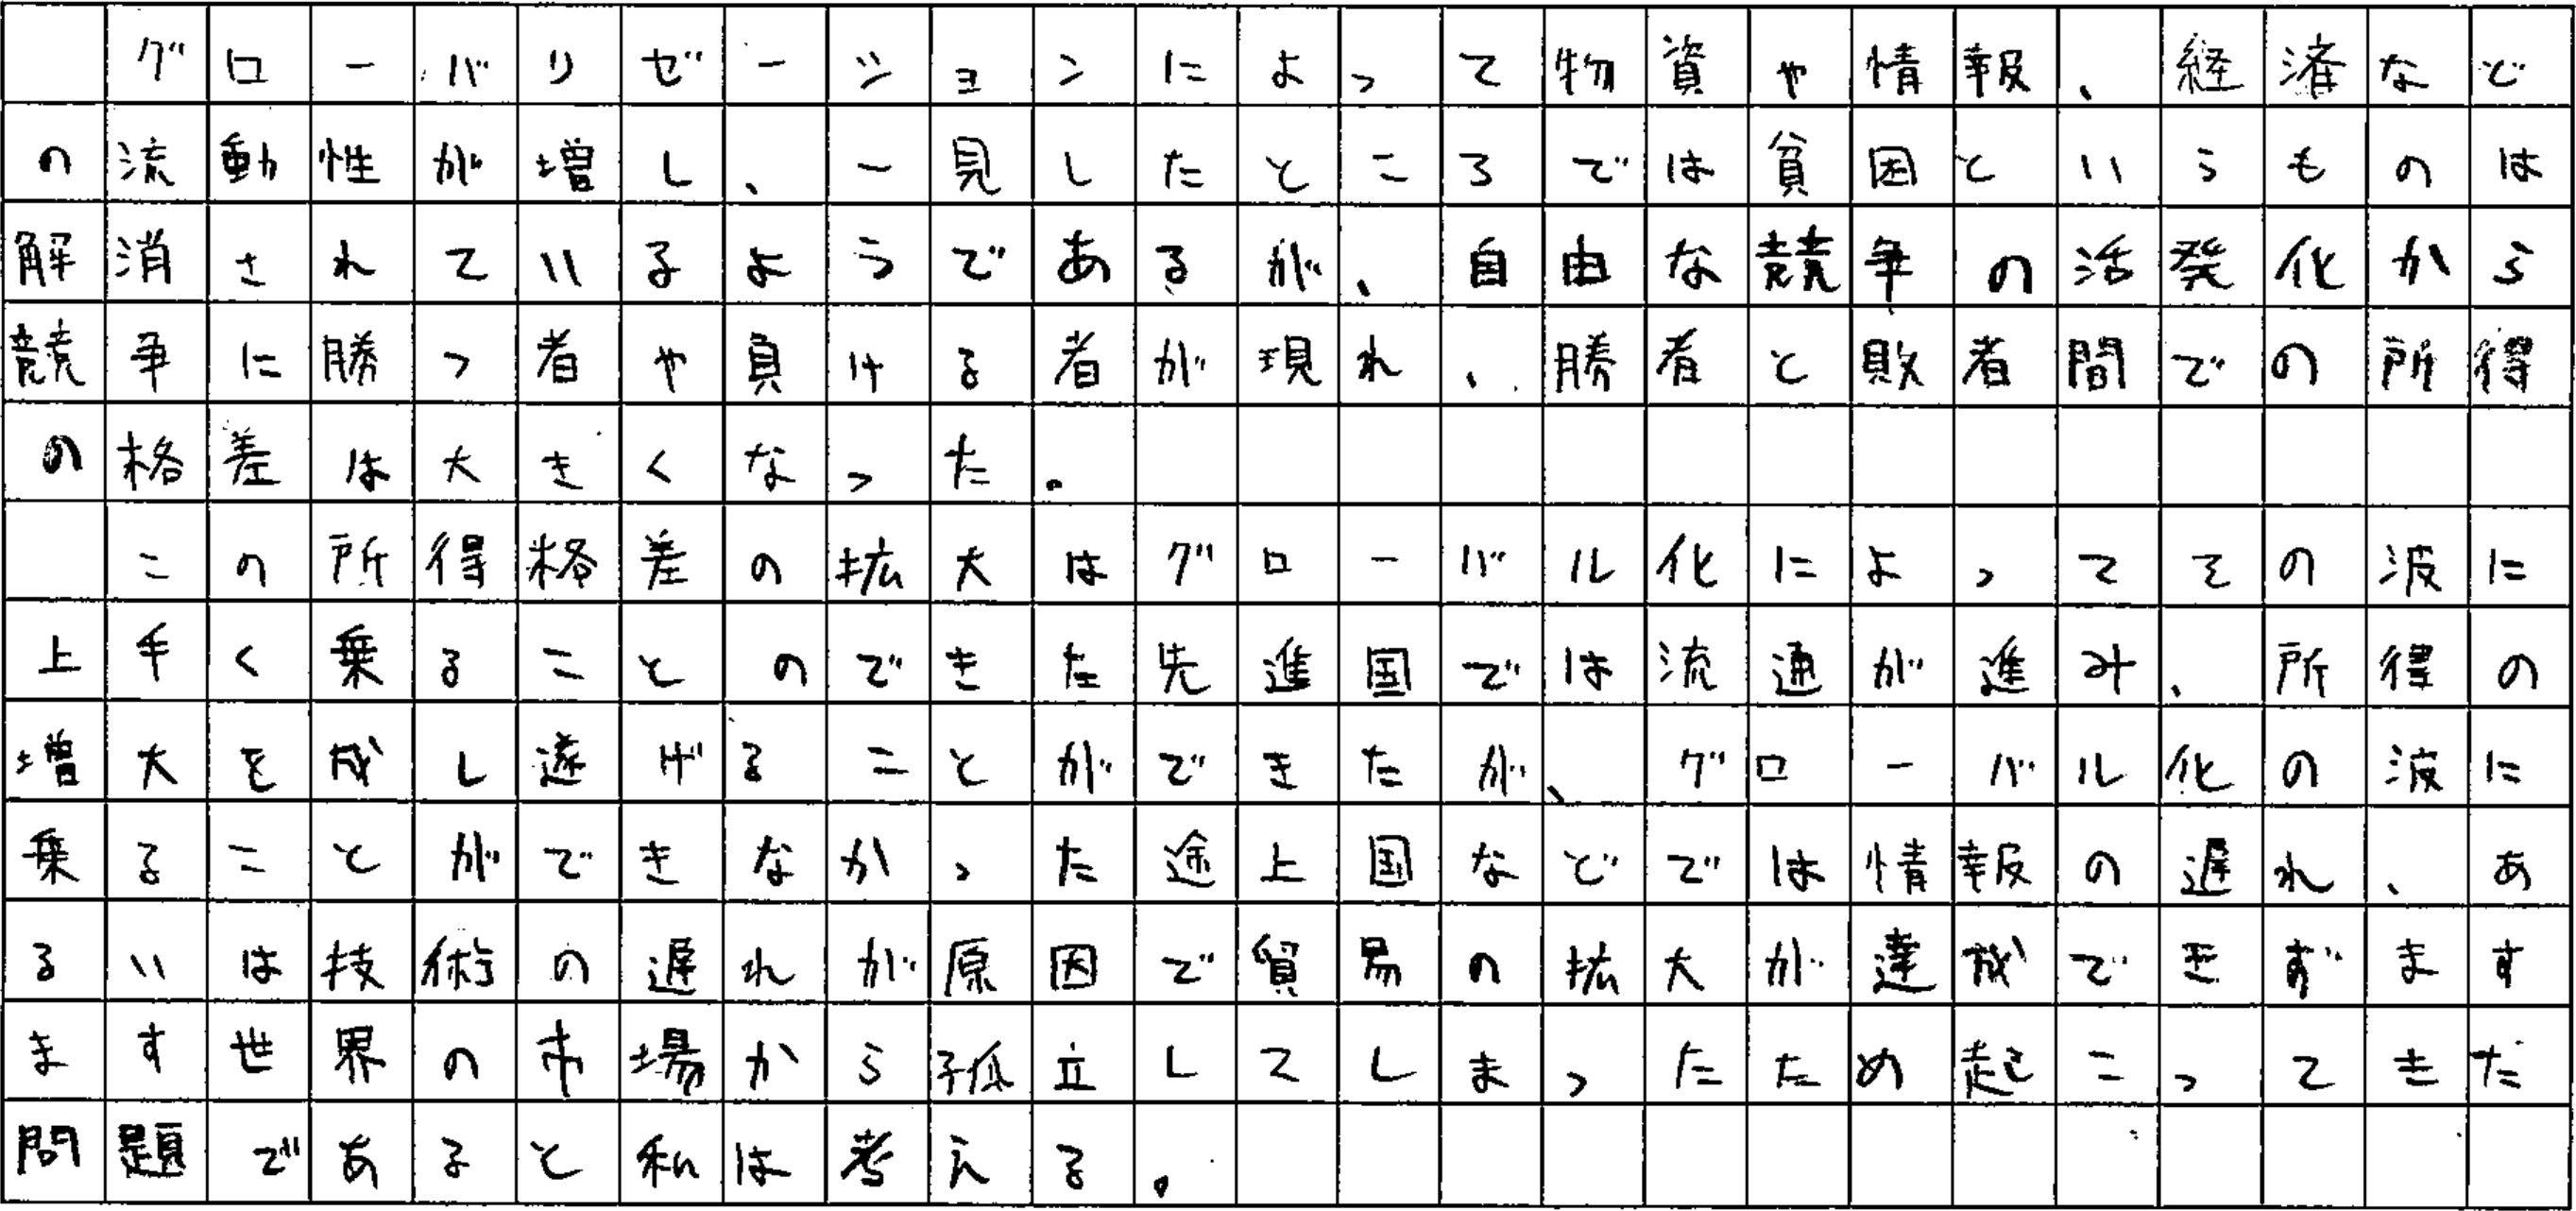　グローバリゼーションによって物資や情報、経済などの流動性が増し、一見したところでは貧困というものは解消されているようであるが、自由な競争の活発化から競争に勝つ者や負ける者が現れ、勝者と敗者間での所得の格差は大きくなった。
　この所得格差の拡大はグローバル化によってその波に上手く乗ることのできた先進国では流通が進み、所得の増大を成し遂げることができたが、グローバル化の波に乗ることができなかった途上国などでは情報の遅れ、あるいは技術の遅れが原因で貿易の拡大が達成できずますます世界の市場から孤立してしまったため起こってきた問題であると私は考える。
